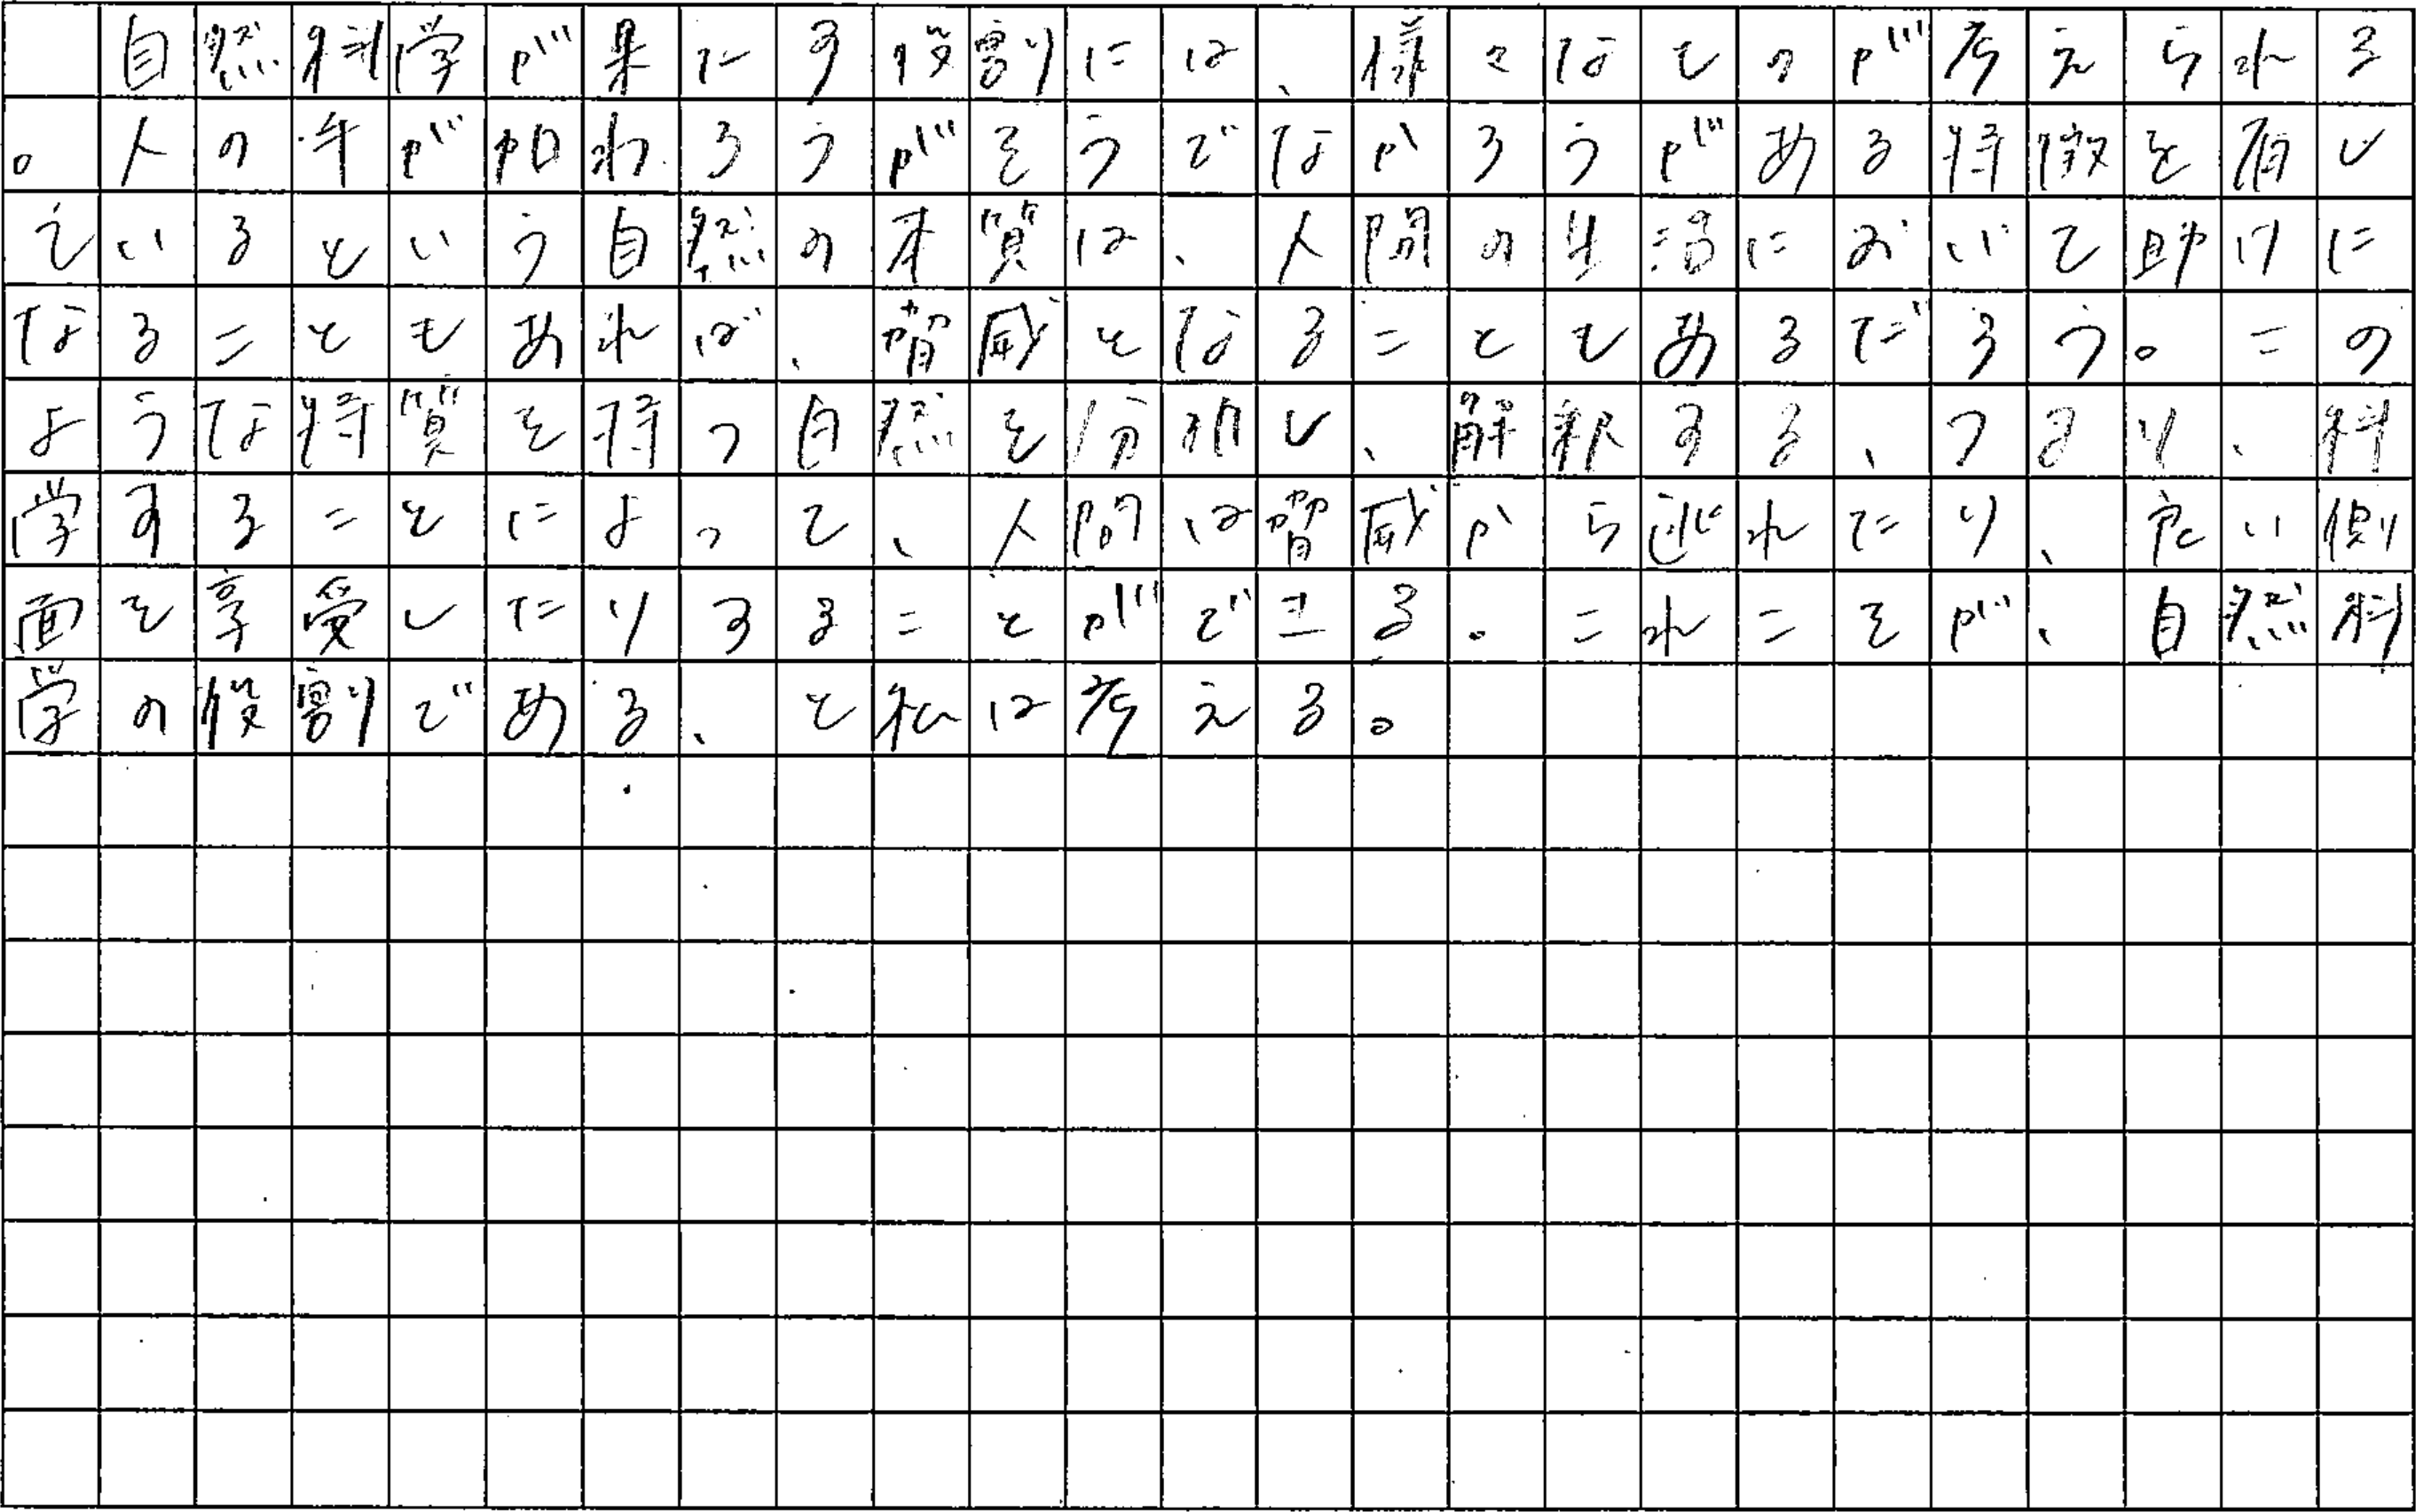自然科学が果たす役割には、様々なものが考えられる。人の手が加わろうがそうでなかろうがある特徴を有しているという自然の本質は、人間の生活において助けになることもあれば、脅威となることもあるだろう。このような特質をもつ自然を分析し、解釈する、つまり、科学することによって、人間は脅威から逃れたり、良い側面を享受したりすることができる。これこそが、自然科学の役割である、と私は考える。
